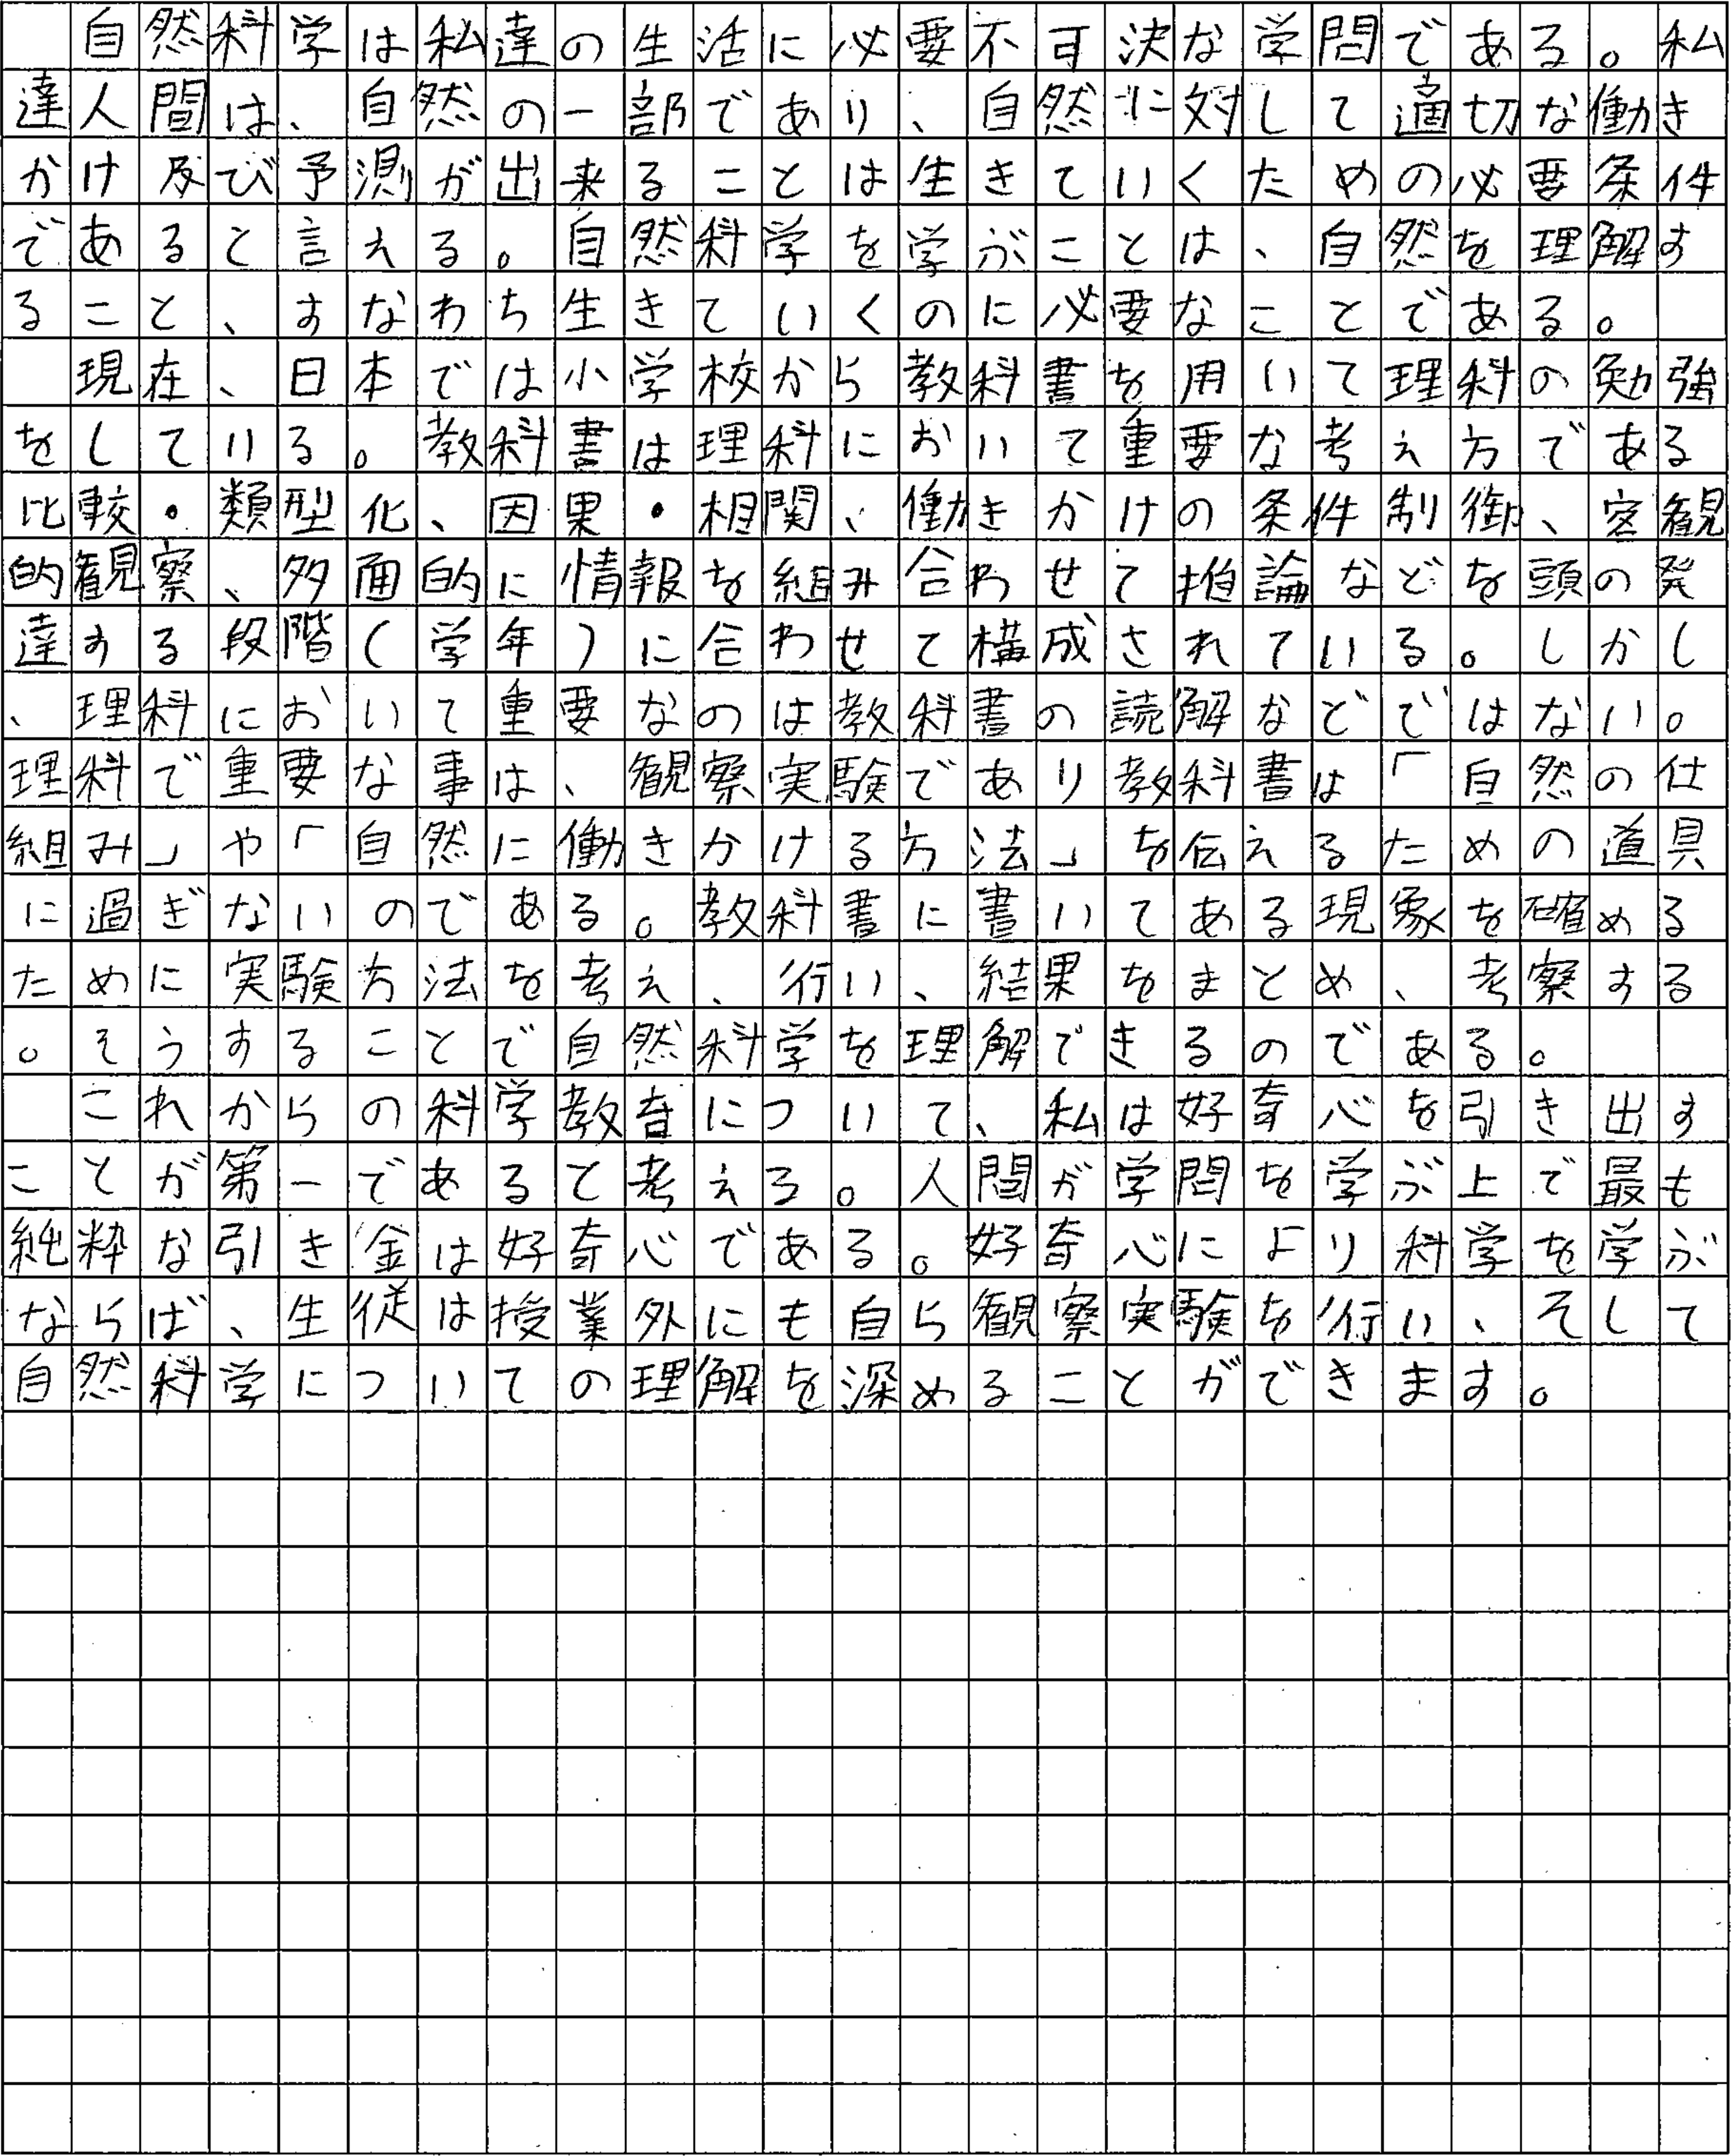　自然科学は私▁の生活に必要不可決な学問である。私達人間は、自然の一部であり、自然に対して適切な働きかけ及び予測が出来ることは生きていくための必要条件であると言える。自然科学を学ぶことは、自然を理解すること、すなわち生きていくのに必要なことである。
　現在、日本では小学校から教科書を用いて理科の勉強をしている。教科書は理科において重要な考え方である比較・類型化、因果・相関、働きかけの条件制御、客観的観察、多面的に情報を組み合わせて推論などを頭の発▁する段階（学年）に合わせて構成されている。しかし、理科において重要なのは教科書の読解などではない。理科で重要な事は、観察実験であり教科書は「自然の仕組み」や「自然に働きかける方法」を伝えるための道具に過ぎないのである。教科書に書いてある現象を確めるために実験方法を考え、行い、結果をまとめ、考察する。そうすることで自然科学を理解できるのである。
　これからの科学教育について、私は好奇心を引き出すことが第一であると考える。人間が学問を学ぶ上で最も純粋な引き金は好奇心である。好奇心により科学を学ぶならば、生従は授業外にも自ら観察実験を行い、そして自然科学についての理解を深めることができます。
